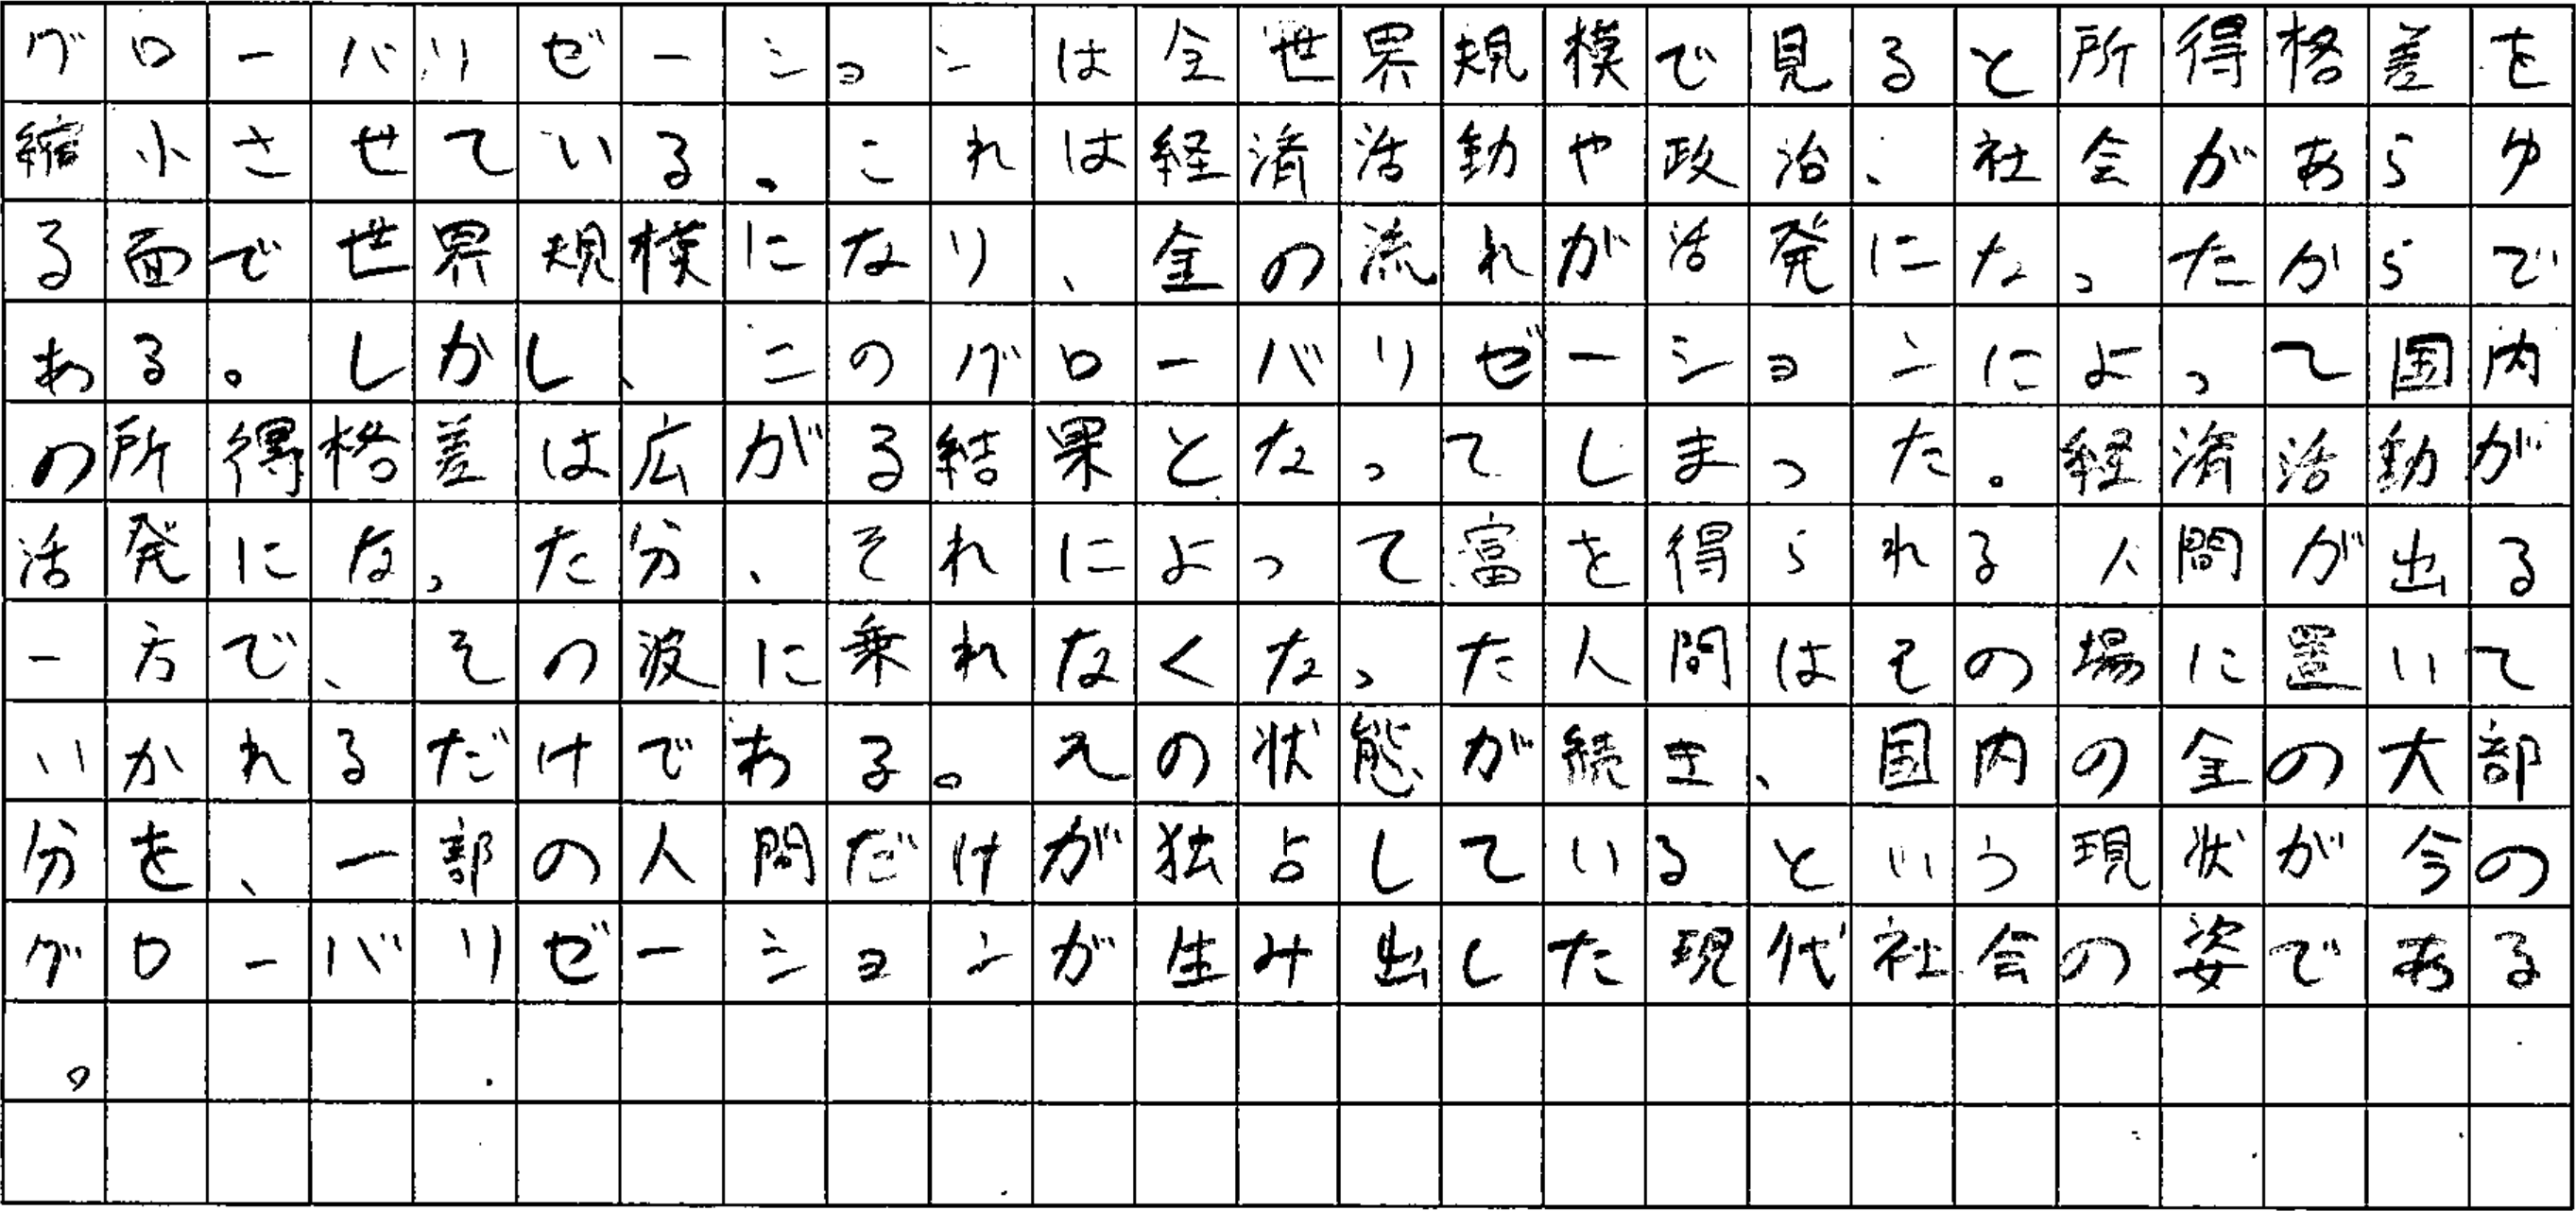グローバリゼーションは全世界規模で見ると所得格差を縮小させている。これは経済活動や政治、社会があらゆる面で世界規模になり、金の流れが活発になったからである。しかし、このグローバリゼーションによって国内の所得格差は広がる結果となってしまった。経済活動が活発になった分、それによって富を得られる人間が出る一方で、その波に乗れなくなった人間はその場に置いていかれるだけである。その状態が続き、国内の金の大部分を、一部の人間だけが独占しているという現状が今のグローバリゼーションが生み出した現代社会の姿である。
